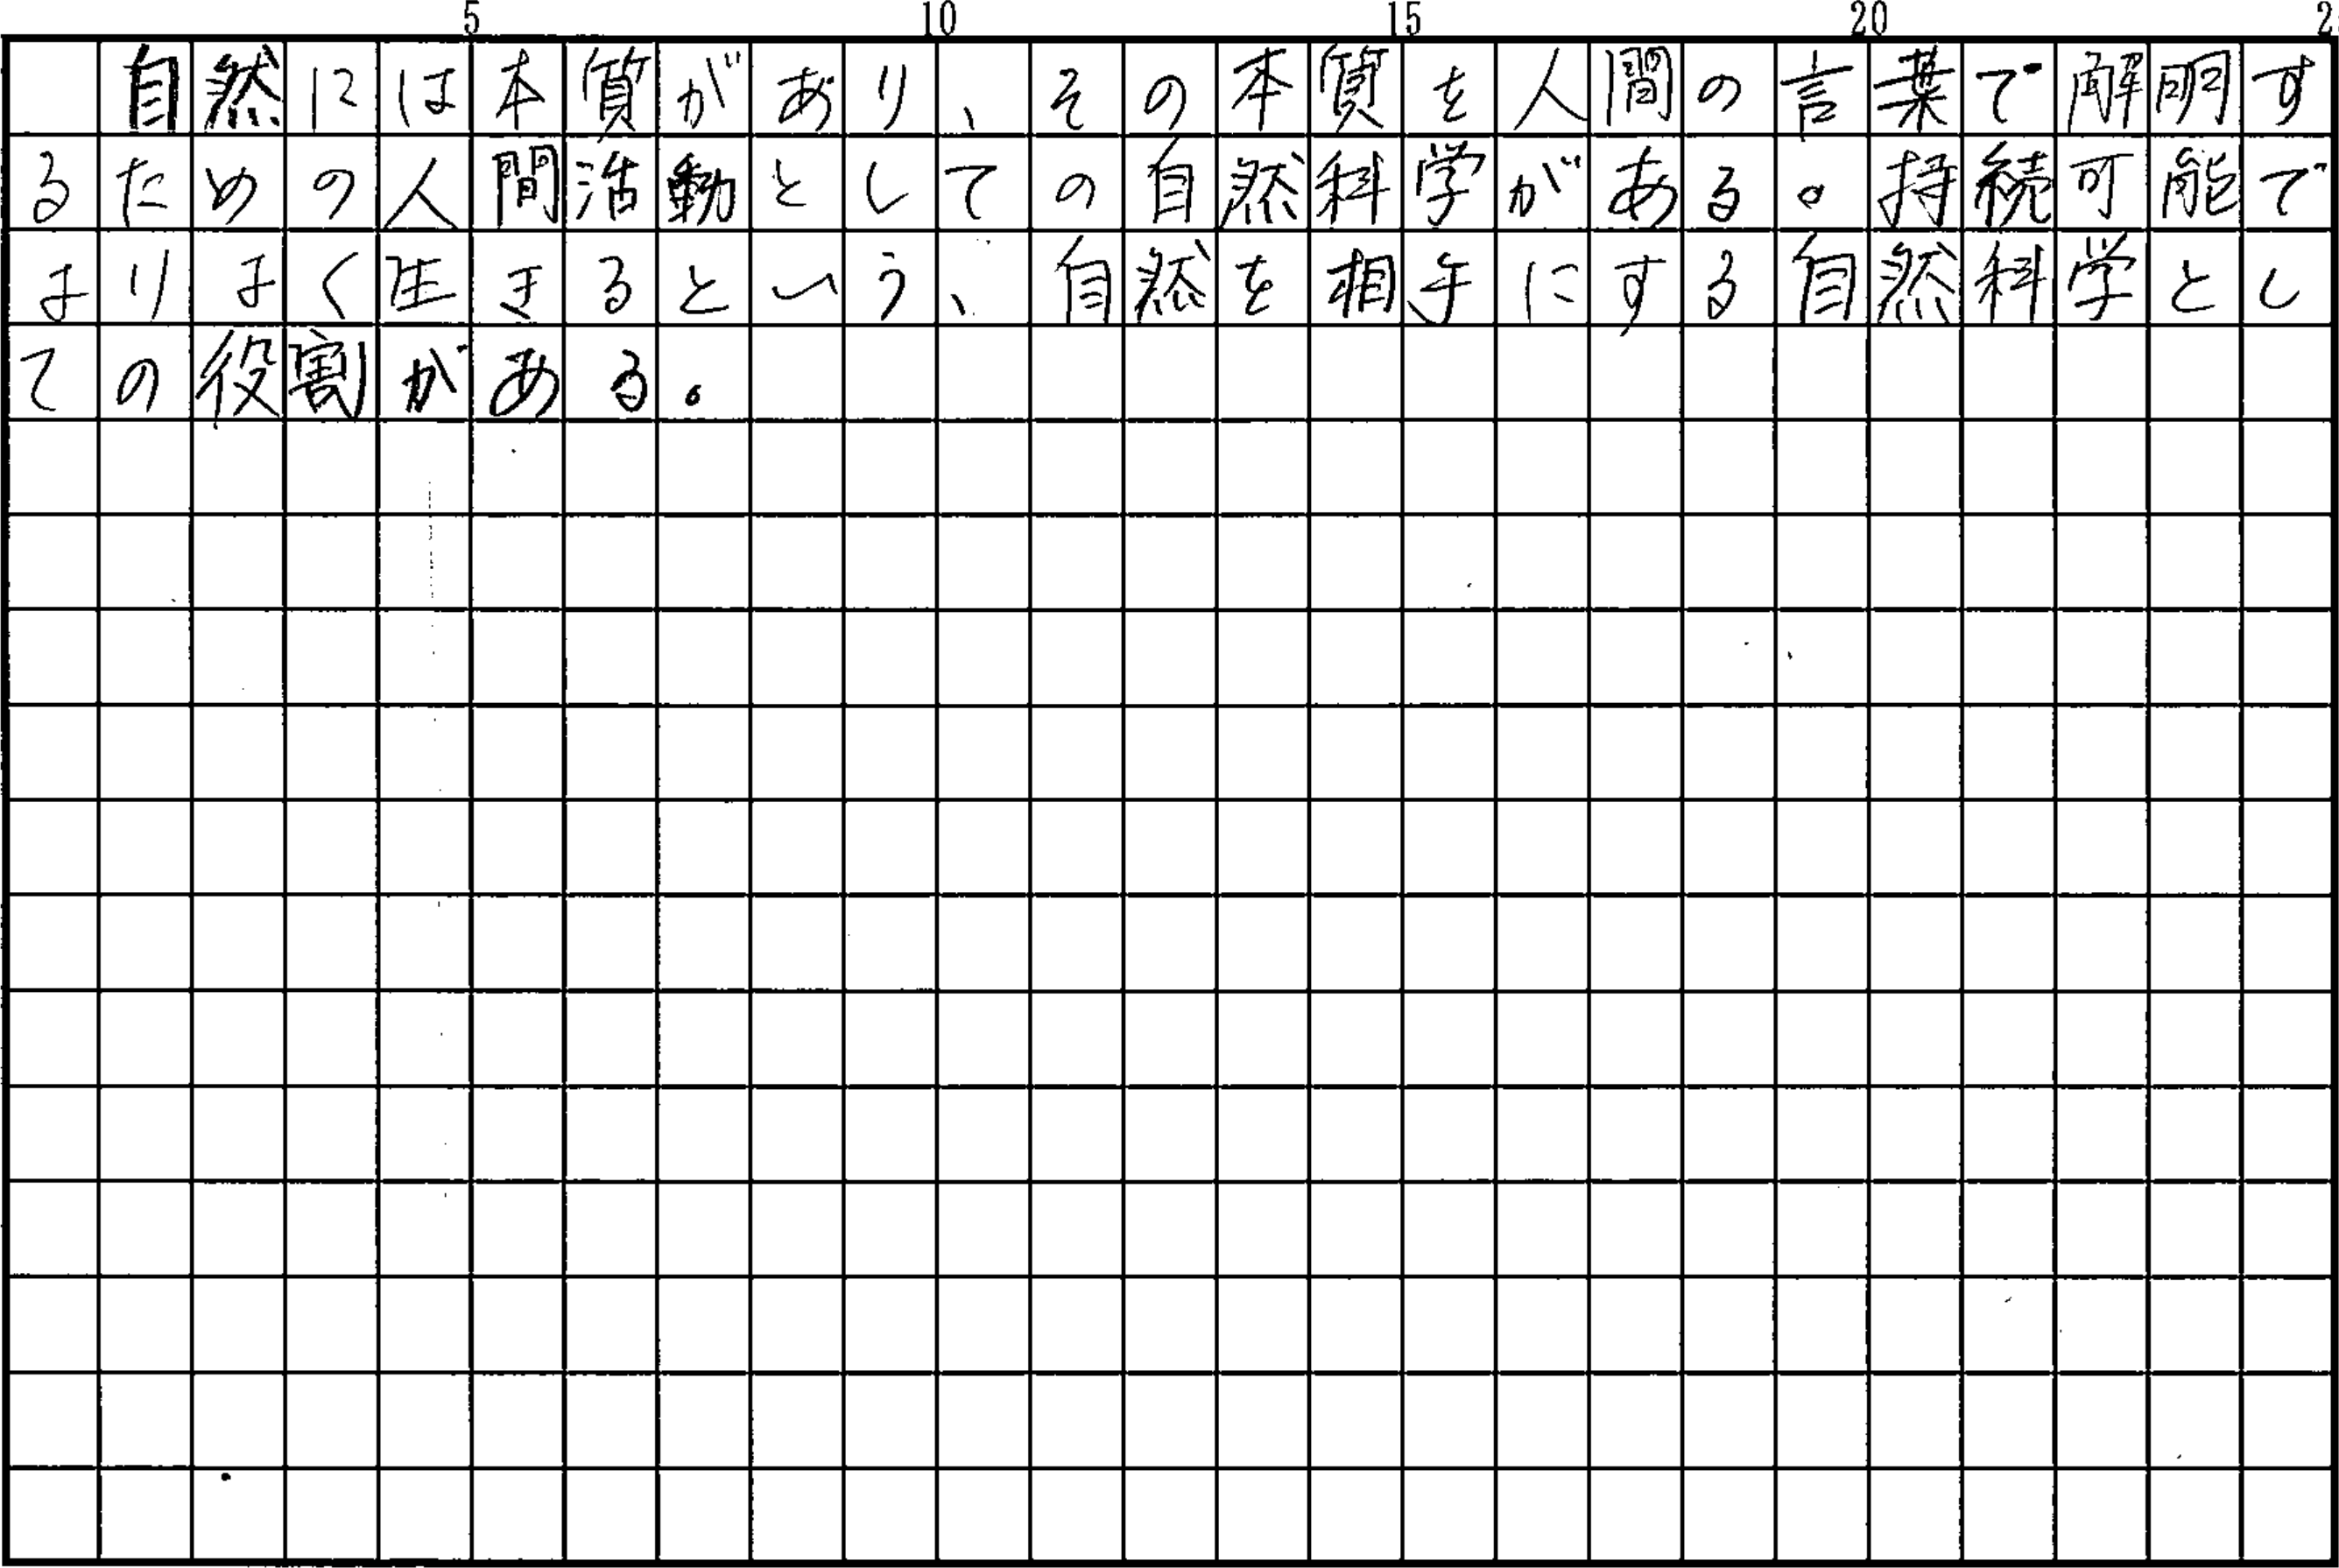　自然には本質があり、その本質を人間の言葉で解明するための人間活動としての自然科学がある。持続可能でよりよく生きるという、自然を相手にする自然科学としての役割がある。
